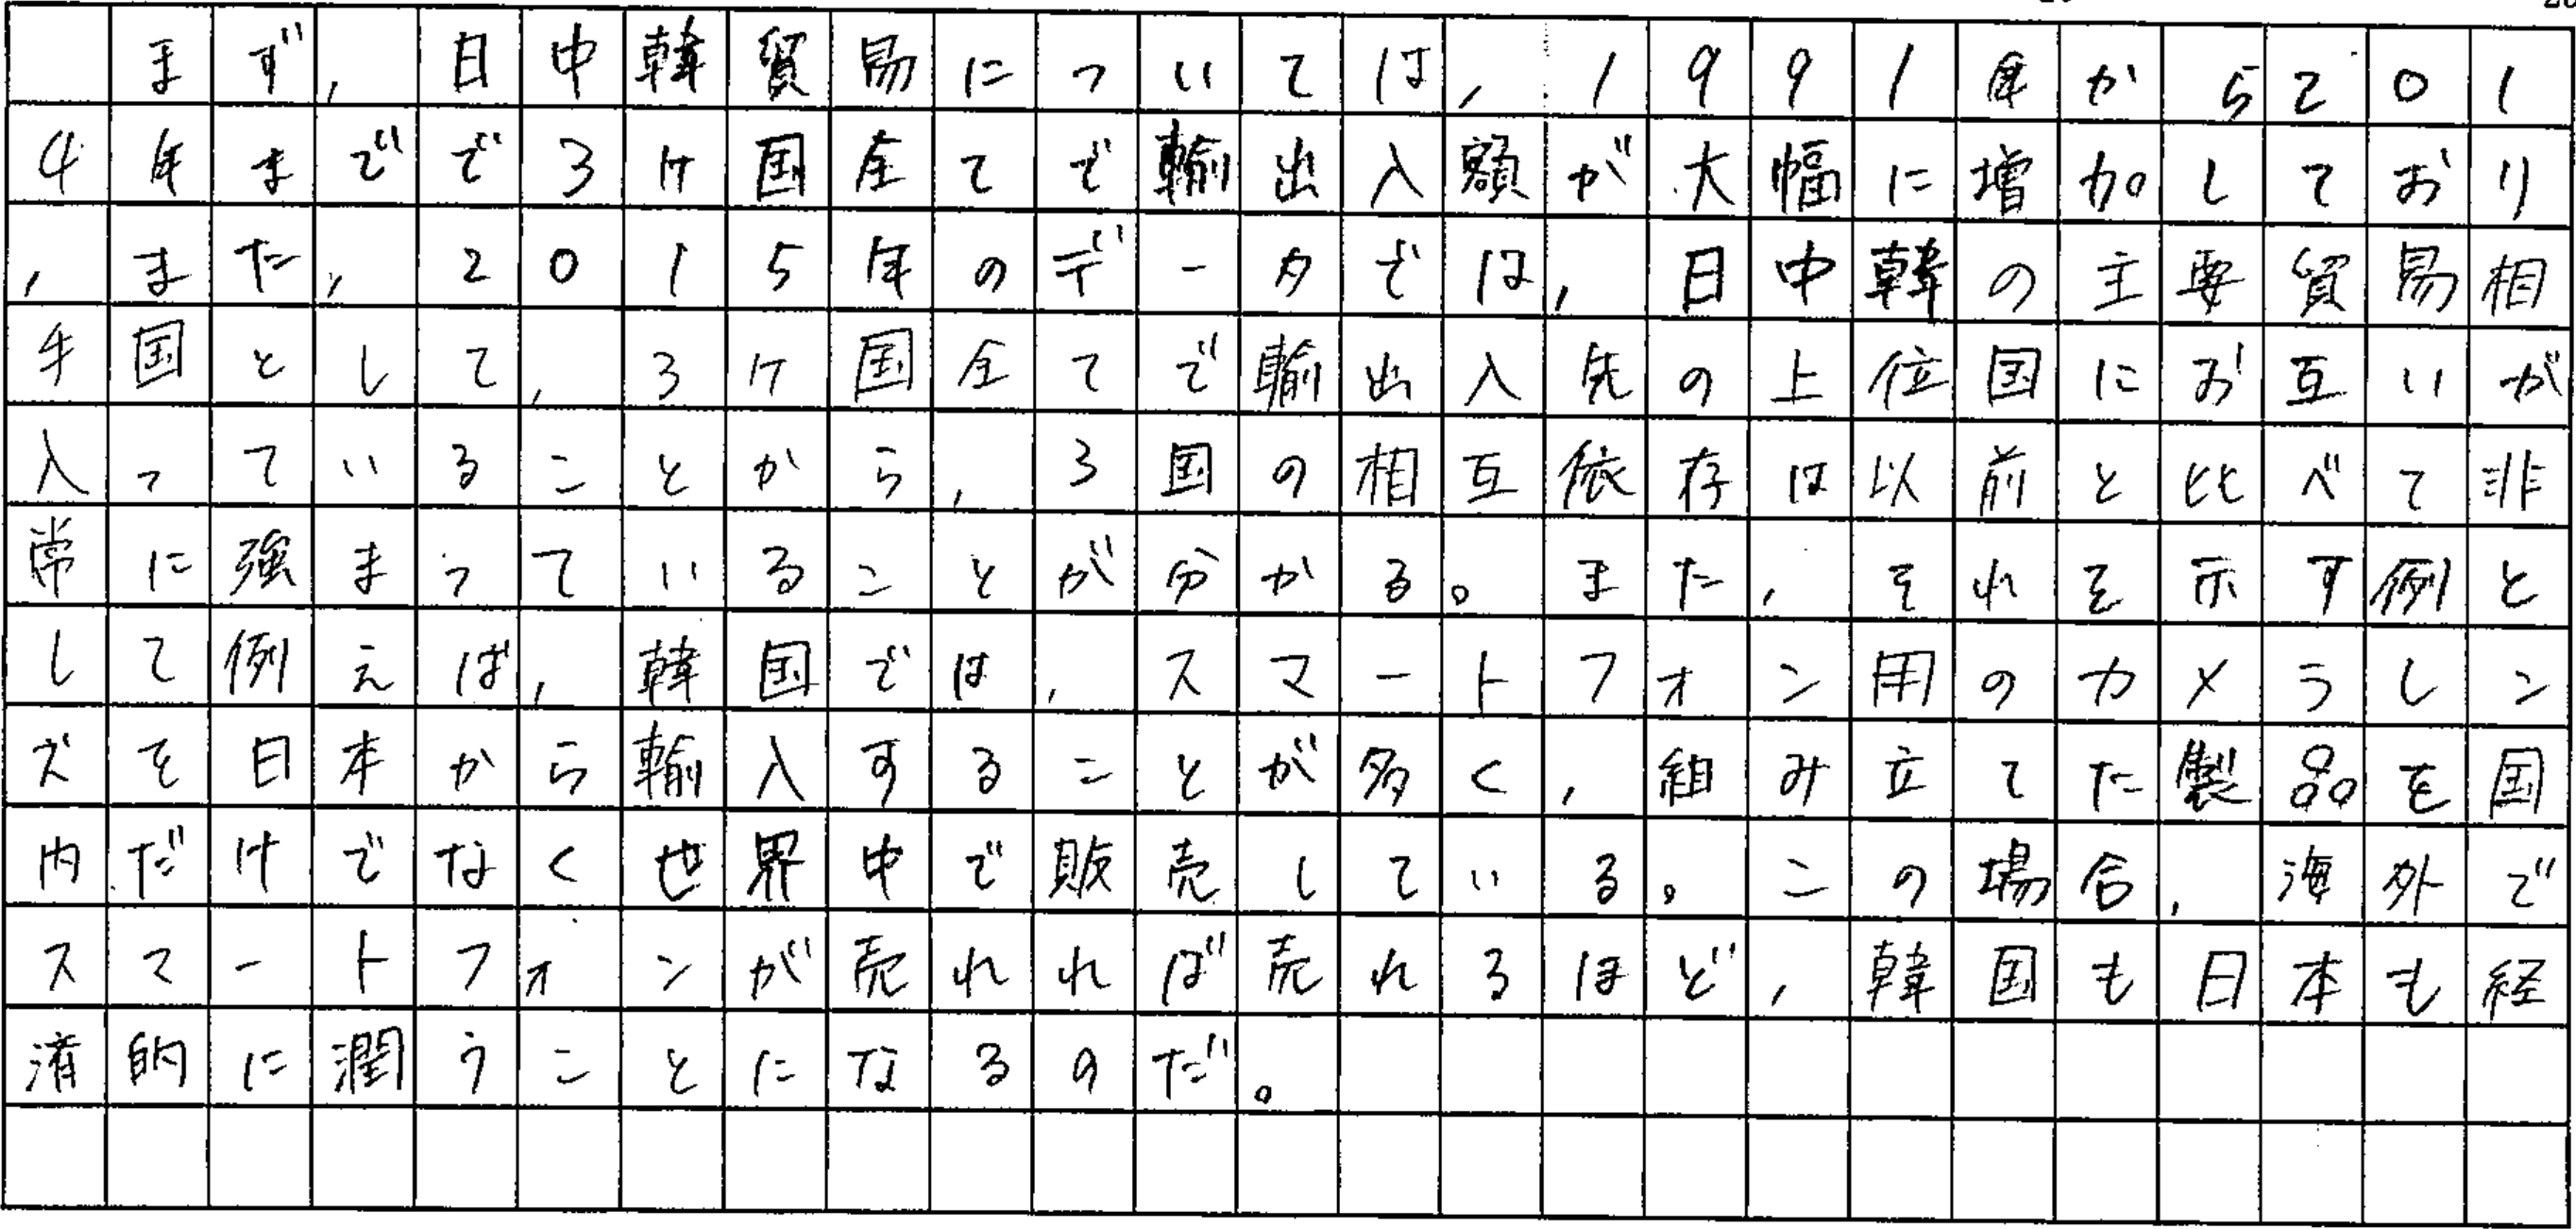　まず、日中韓貿易については、１９９１年から２０１４年までで３ヶ国全てで輸出入額が大幅に増加しており、また、２０１５年のデータでは、日中韓の主要貿易相手国として、３ヶ国全てで輸出入先の上位国にお互いが入っていることから、３国の相互依存は以前と比べて非常に強まっていることが分かる。また、それを示す例として例えば、韓国では、スマートフォン用のカメラレンズを日本から輸入することが多く、組み立てた製品を国内だけでなく世界中で販売している。この場合、海外でスマートフォンが売れれば売れるほど、韓国も日本も経済的に潤うことになるのだ。
